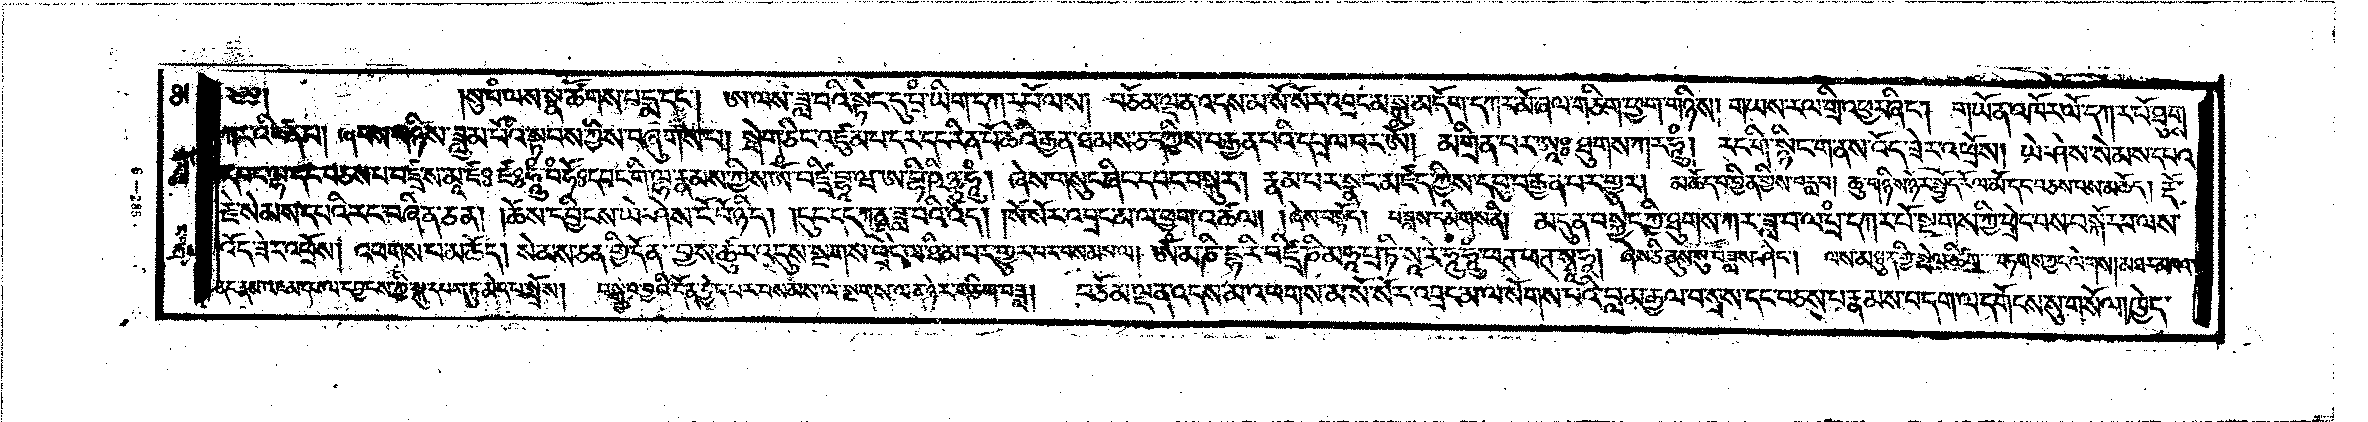༄༅། །སུ་བཾ་ལས་སྣ་ཚོགས་པདམ་དང་། ཨ་ལས་ཟླ་བའི་སྟེང་དུ་པྲཾ་ཡིག་དཀར་པོ་ལས། བཅོམ་ལྡན་འདས་མ་སོ་སོར་འབྲང་མ་སྐུ་མདོག་དཀར་མོ་ཞལ་གཅིག་ཕྱག་གཉིས། གཡས་རལ་གྲི་འཕྱར་ཞིང་། གཡོན་འཁོར་ལོ་དཀར་པོ་ཐུགས་
ཀར་འཛིན་པ། ཞབས་གཉིས་ཟླུམ་པོའི་སྟབས་ཀྱིས་བཞུགས་པ། སྒེག་ཅིང་འཛུམ་པ་དར་དང་རིན་པོ་ཆེའི་རྒྱན་ཐམས་ཅད་ཀྱིས་བརྒྱན་པའི་དཔྲལ་བར་ཨོཾ། མགྲིན་པར་ཨཱཿ ཐུགས་ཀར་ཧཱུཾ། རང་གི་སྙིང་གནས་འོད་ཟེར་འཕྲོས། ཡེ་ཤེས་སེམས་དཔའ་
དབང་ལྷ་དང་བཅས་པ་བཛྲ་ས་མཱ་ཛཿ ཛཿ ཧཱུཾ་བཾ་ཧོཿ དབང་གི་ལྷ་རྣམས་ཀྱིས་ཨོཾ་བཛྲི་བྷཱ་ཝ་ཨ་བྷི་ཥིཉྩ་ཧཱུཾ། ཞེས་གསུང་ཞིང་དབང་བསྐུར། རྣམ་པར་སྣང་མཛད་ཀྱིས་དབུ་བརྒྱན་པར་གྱུར། མཆོད་པ་བྱིན་གྱིས་བརླབ། ཆུ་གཉིས་ཉོར་སྤྱོད་རོལ་མོ་དང་བཅས་པས་མཆོད།  རྡོ་
རྗེ་སེམས་དཔའི་རང་བཞིན་ཅན། །ཆོས་དབྱིངས་ཡེ་ཤེས་ངོ་བོ་ཉིད། །དུང་དང་ཀནྡ་ཟླ་བའི་འོད། །སོ་སོར་འབྲང་མ་ལ་ཕྱག་འཚལ། །ཞེས་བསྟོད། བཟླས་དམིགས་ནི། མདུན་བསྐྱེད་ཀྱི་ཐུགས་ཀར་ཟླ་བ་ལ་པྲཾ་དཀར་པོ་སྔགས་ཀྱི་ཕྲེང་བས་བསྐོར་བ་ལས་
འོད་ཟེར་འཕྲོས། འཕགས་པ་མཆོད། སེམས་ཅན་གྱི་དོན་བྱས་ཚུར་འདུས་སྔགས་ཕྲེང་ལ་ཐིམ་པར་གྱུར་བར་བསམས་ལ། ཨོཾ་མ་ཎི་དྷ་རི་བཛྲི་ཎི་མཧཱ་པྲ་ཏི་སཱ་རེ་ཧཱུཾ་ཧཱུཾ་ཕཊ་ཕཊ་སྭཱཧཱ། ཞེས་ཅི་ནུས་སུ་བཟླས་ཤིང་། ལས་མཐུན་གྱི་སྤེལ་ཚིག་བཏགས་ཀྱང་ལེགས། མཐར་མཁའ་
ནང་རྣམ་འཇམ་དཔལ་དབྱངས་ཀྱི་སྐུ་དཔག་ཏུ་མེད་པ་སྤྲོས། བསྒྲུབ་བྱའི་དོན་བྱེད་པར་བསམས་ལ་སྔགས་ལན་ཉེར་གཅིག་བཟླ། བཅོམ་ལྡན་འདས་མ་འཕགས་མ་སོ་སོར་འབྲང་མ་ལ་སོགས་པའི་བླ་མ་རྒྱལ་བ་སྲས་དང་ཅས་པ་རྣམས་བདག་ལ་དགོངས་སུ་གསོལ། ཁྱེད་